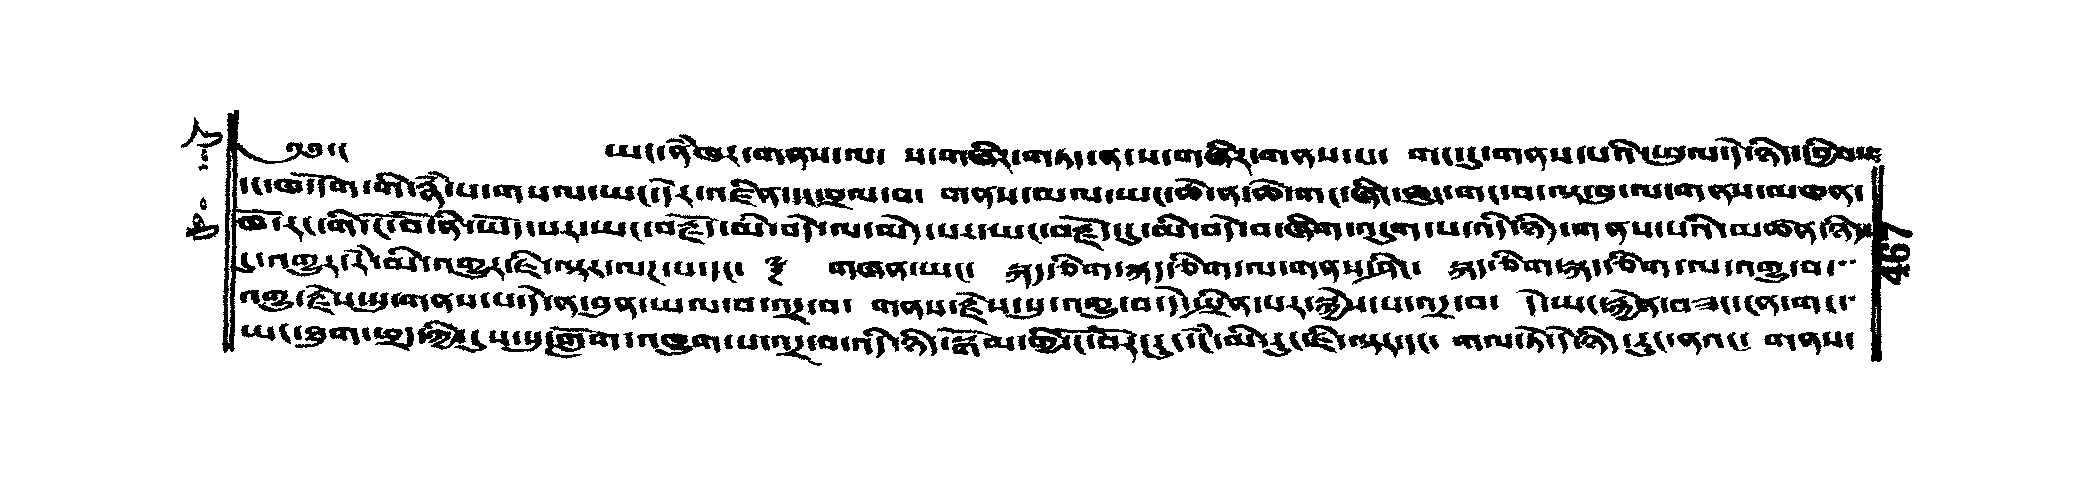ཡང་ནམ་མཁར་གནས་ལ། ས་གཞིར་གཏད་ན་ས་གཞིར་གནས་པ།གང་དུ་གནས་པའི་ཡུལ་དེ་ཉིད་དབྱིབས་
དང་ཁ་དོག་གི་རྣམ་པར་གསལ་ཡང་དེར་འཛིན་དང་བྲལ་བ། གནས་མལ་ཡང་ཆེ་ན་ཆེ་གང་ཞིང་ཆུང་ན་ཆུང་གང་བ་ལྟ་བུ་ལ། གནས་མཁན་
ཁོ་རང་གི་ངོ་བོ་ནི་ཡོད་པར་ཡང་བརྗོད་མི་བདེ་ལ་མེད་པར་ཡང་བརྗོད་དུ་མི་བདེ་བ་ཞིག་འདུག་པ་འདི་ཉིད་གནས་པའི་མཚན་ཉིད་
དུ་འགྱུར་རམ་མི་འགྱུར་ཇི་ལྟར་ལགས་པ་དང་། ༈ གཞན་ཡང་། སྐད་ཅིག་སྐད་ཅིག་ལ་གནས་ཤིང་། སྐད་ཅིག་སྐད་ཅིག་ལ་འགྱུ་བ་
འགྱུ་རྗེས་སུ་གནས་པ་དེ་ན་བུན་ཡལ་བ་འདྲ་བ། གནས་རྗེས་སུ་འགྱུ་བ་དེ་སྤྲིན་གསར་སྐྱེས་པ་འདྲ་བ། དེ་ཡང་རྐྱེན་བཟང་ངན་གང་
ཡང་ཐུག་ཕྲད་ཀྱི་དུས་སུ་གློག་འཁྱུག་པ་འདྲ་བ་འདི་ཉིད་སྒོམ་གྱི་ངོ་བོར་རུང་ངམ་མི་རུང་ཇི་ལྟར་དང་། གལ་ཏེ་དེ་ཉིད་རུང་ནའང་། གནས་